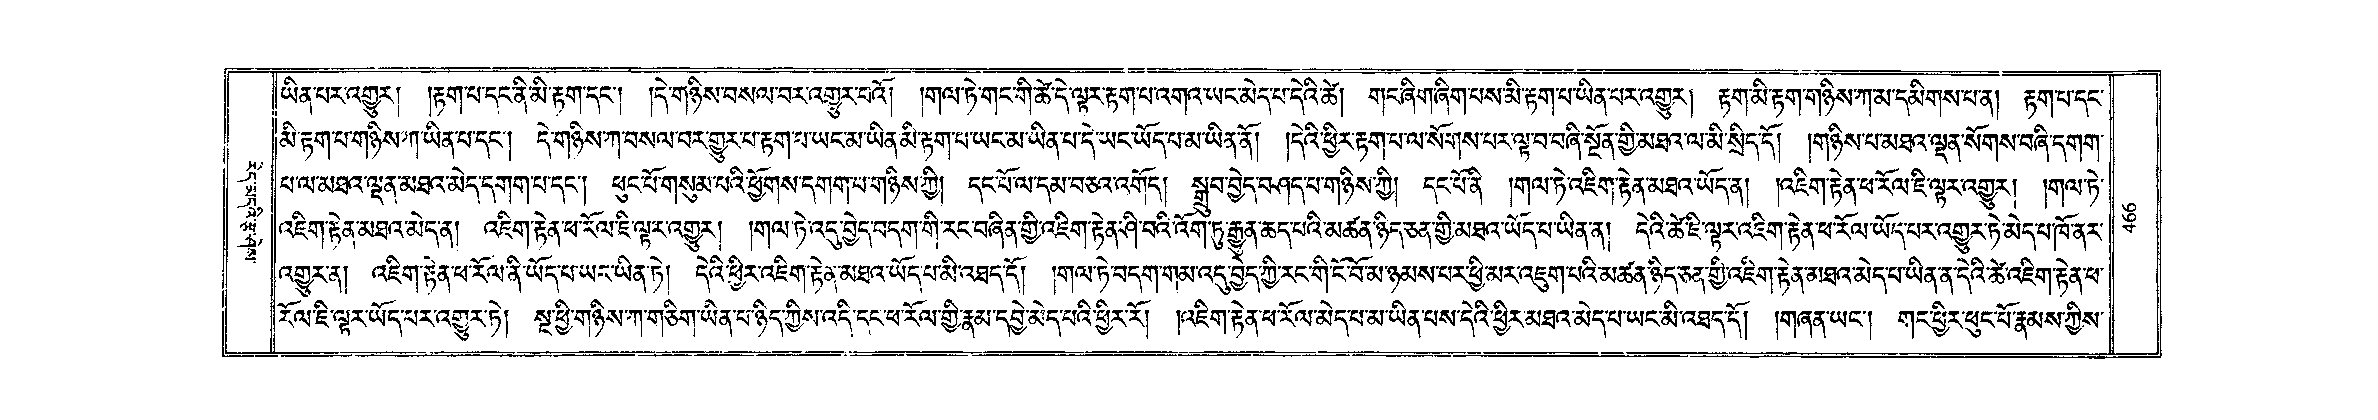ཡིན་པར་འགྱུར། །རྟག་པ་དང་ནི་མི་རྟག་དང་། །དེ་གཉིས་བསལ་བར་འགྱུར་བའོ། །གལ་ཏེ་གང་གི་ཚེ་དེ་ལྟར་རྟག་པ་འགའ་ཡང་མེད་པ་དེའི་ཚེ། གང་ཞིག་ཞིག་པས་མི་རྟག་པ་ཡིན་པར་འགྱུར། རྟག་མི་རྟག་གཉིས་ཀ་མ་དམིགས་པ་ན། རྟག་པ་དང་
མི་རྟག་པ་གཉིས་ཀ་ཡིན་པ་དང་། དེ་གཉིས་ཀ་བསལ་བར་གྱུར་པ་རྟག་པ་ཡང་མ་ཡིན་མི་རྟག་པ་ཡང་མ་ཡིན་པ་དེ་ཡང་ཡོད་པ་མ་ཡིན་ནོ། །དེའི་ཕྱིར་རྟག་པ་ལ་སོགས་པར་ལྟ་བ་བཞི་སྔོན་གྱི་མཐའ་ལ་མི་སྲིད་དོ། །གཉིས་པ་མཐའ་ལྡན་སོགས་བཞི་དགག་
པ་ལ་མཐའ་ལྡན་མཐའ་མེད་དགག་པ་དང་། ཕུང་པོ་གསུམ་པའི་ཕྱོགས་དགག་པ་གཉིས་ཀྱི། དང་པོ་ལ་དམ་བཅའི་འགོད། སྒྲུབ་བྱེད་བཤད་པ་གཉིས་ཀྱི། དང་པོ་ནི། གལ་ཏེ་འཇིག་རྟེན་མཐའ་ཡོད་ན། །འཇིག་རྟེན་ཕ་རོལ་ཇི་ལྟར་འགྱུར། །གལ་ཏེ་
འཇིག་རྟེན་མཐའ་མེད་ན། འཇིག་རྟེན་ཕ་རོལ་ཇི་ལྟར་འགྱུར། །གལ་ཏེ་འདུ་བྱེད་བདག་གི་རང་བཞིན་གྱི་འཇིག་རྟེན་ཤི་བའི་འོག་ཏུ་རྒྱུན་ཆད་པའི་མཚན་ཉིད་ཅན་གྱི་མཐའ་ཡོད་པ་ཡིན་ན། དེའི་ཚེ་ཇི་ལྟར་འཇིག་རྟེན་ཕ་རོལ་ཡོད་པར་འགྱུར་ཏེ་མེད་པ་ཁོ་ནར་འགྱུར་ན། འཇིག་རྟེན་ཕ་རོལ་ནི་ཡོད་པ་ཡང་ཡིན་ཏེ། དེའི་ཕྱིར་འཇིག་རྟེན་མཐའ་ཡོད་པ་མི་འཐད་དོ། །གལ་ཏེ་བདག་གམ་འདུ་བྱེད་ཀྱི་རང་གི་ངོ་བོ་མ་ཉམས་པར་ཕྱི་མར་འཇུག་པའི་མཚན་ཉིད་ཅན་གྱི་འཇིག་རྟེན་མཐའ་མེད་པ་ཡིན་ན་དེའི་ཚེ་འཇིག་རྟེན་ཕ་
རོལ་ཇི་ལྟར་ཡོད་པར་འགྱུར་ཏེ། སྔ་ཕྱི་གཉིས་ཀ་གཅིག་ཡིན་པ་ཉིད་ཀྱིས་འདི་དང་ཕ་རོལ་གྱི་རྣམ་དབྱེ་མེད་པའི་ཕྱིར་རོ། །འཇིག་རྟེན་ཕ་རོལ་མེད་པ་མ་ཡིན་པས་དེའི་ཕྱིར་མཐའ་མེད་པ་ཡང་མི་འཐད་དོ། །གཞན་ཡང་། གང་ཕྱིར་ཕུང་པོ་རྣམས་ཀྱིས་